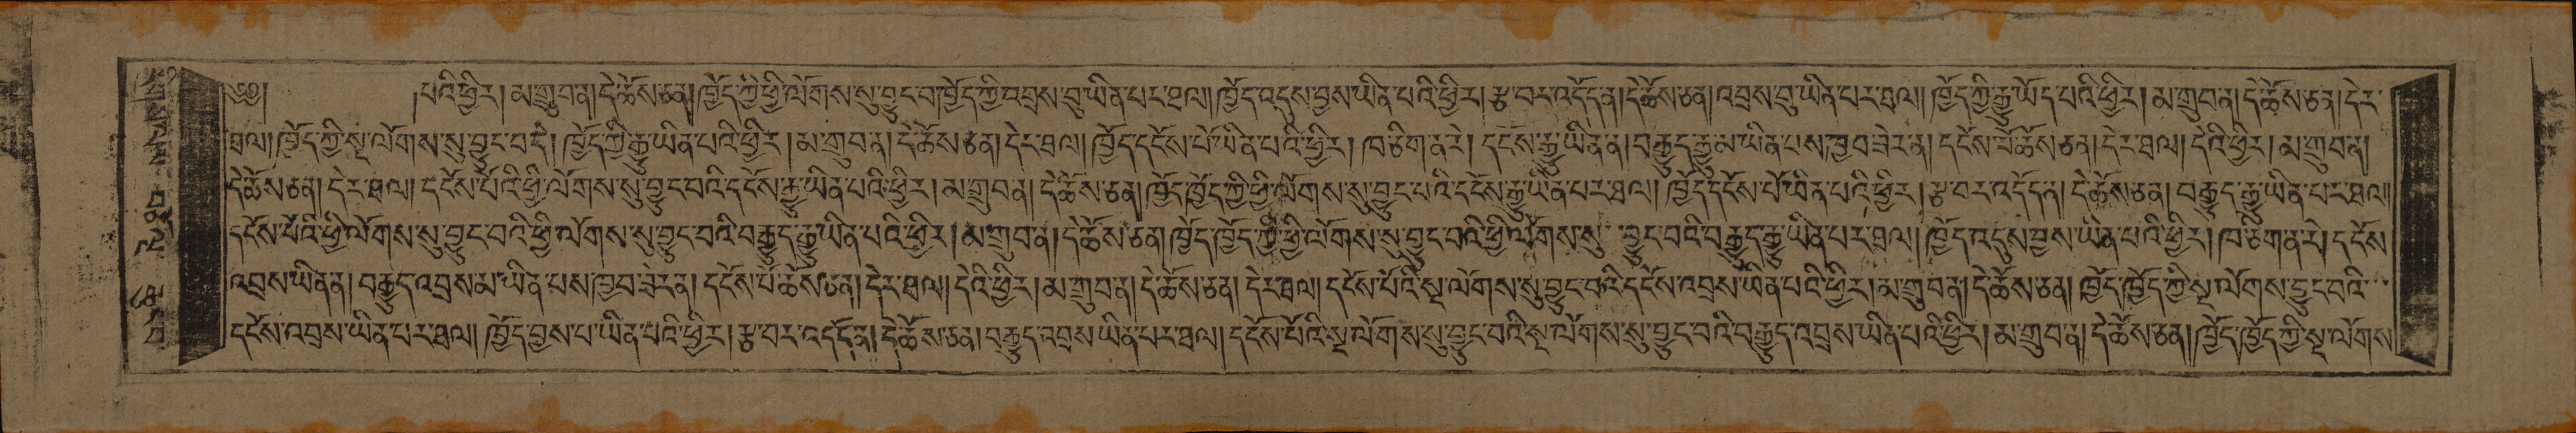༄༅། །པའི་ཕྱིར། མ་གྲུབ་ན། དེ་ཆོས་ཅན། ཁྱོད་ཀྱི་ཕྱི་ལོགས་སུ་བྱུང་བ་ཁྱོད་ཀྱི་འབྲས་བུ་ཡིན་པར་ཐལ། ཁྱོད་འདུས་བྱས་ཡིན་པའི་ཕྱིར། རྩ་བར་འདོད་ན། དེ་ཆོས་ཅན། འབྲས་བུ་ཡིན་པར་ཐལ། ཁྱོད་ཀྱི་རྒྱུ་ཡོད་པའི་ཕྱིར། མ་གྲུབ་ན། དེ་ཆོས་ཅན། དེར་
ཐལ༑ ཁྱོད་ཀྱི་སྔ་ལོགས་སུ་བྱུང་བ་དེ། ཁྱོད་ཀྱི་རྒྱུ་ཡིན་པའི་ཕྱིར། མ་གྲུབ་ན། དེ་ཆོས་ཅན། དེར་ཐལ། ཁྱོད་དངོས་པོ་ཡིན་པའི་ཕྱིར། ཁ་ཅིག་ན་རེ། དངོས་རྒྱུ་ཡིན་ན། བརྒྱུད་རྒྱུ་མ་ཡིན་པས་ཁྱབ་ཟེར་ན། དངོས་པོ་ཆོས་ཅན། དེར་ཐལ། དེའི་ཕྱིར། མ་གྲུབ་ན།
དེ་ཆོས་ཅན། དེར་ཐལ། དངོས་པོའི་ཕྱི་ལོགས་སུ་བྱུང་བའི་དངོས་རྒྱུ་ཡིན་པའི་ཕྱིར། མ་གྲུབ་ན། དེ་ཆོས་ཅན། ཁྱོད་ཁྱོད་ཀྱི་ཕྱི་ལོགས་སུ་བྱུང་བའི་དངོས་རྒྱུ་ཡིན་པར་ཐལ། ཁྱོད་དངོས་པོ་ཡིན་པའི་ཕྱིར། རྩ་བར་འདོད་ན། དེ་ཆོས་ཅན། བརྒྱུད་རྒྱུ་ཡིན་པར་ཐལ།
དངོས་པོའི་ཕྱི་ལོགས་སུ་བྱུང་བའི་ཕྱི་ལོགས་སུ་བྱུང་བའི་བརྒྱུད་རྒྱུ་ཡིན་པའི་ཕྱིར། མ་གྲུབ་ན། དེ་ཆོས་ཅན། ཁྱོད་ཁྱོད་ཀྱི་ཕྱི་ལོགས་སུ་བྱུང་བའི་ཕྱི་ལོགས་སུ་བྱུང་བའི་བརྒྱུད་རྒྱུ་ཡིན་པར་ཐལ། ཁྱོད་འདུས་བྱས་ཡིན་པའི་ཕྱིར། ཁ་ཅིག་ན་རེ། དངོས་
འབྲས་ཡིན་ན། བརྒྱུད་འབྲས་མ་ཡིན་པས་ཁྱབ་ཟེར་ན། དངོས་པོ་ཆོས་ཅན། དེར་ཐལ། དེའི་ཕྱིར། མ་གྲུབ་ན། དེ་ཆོས་ཅན། དེར་ཐལ། དངོས་པོའི་སྔ་ལོགས་སུ་བྱུང་བའི་དངོས་འབྲས་ཡིན་པའི་ཕྱིར། མ་གྲུབ་ན། དེ་ཆོས་ཅན། ཁྱོད་ཁྱོད་ཀྱི་སྔ་ལོགས་བྱུང་བའི་
དངོས་འབྲས་ཡིན་པར་ཐལ། ཁྱོད་བྱས་པ་ཡིན་པའི་ཕྱིར། རྩ་བར་འདོད་ན། དེ་ཆོས་ཅན། བརྒྱུད་འབྲས་ཡིན་པར་ཐལ། དངོས་པོའི་སྔ་ལོགས་སུ་བྱུང་བའི་སྔ་ལོགས་སུ་བྱུང་བའི་བརྒྱུད་འབྲས་ཡིན་པའི་ཕྱིར། མ་གྲུབ་ན། དེ་ཆོས་ཅན། ཁྱོད་ཁྱོད་ཀྱི་སྔ་ལོགས་